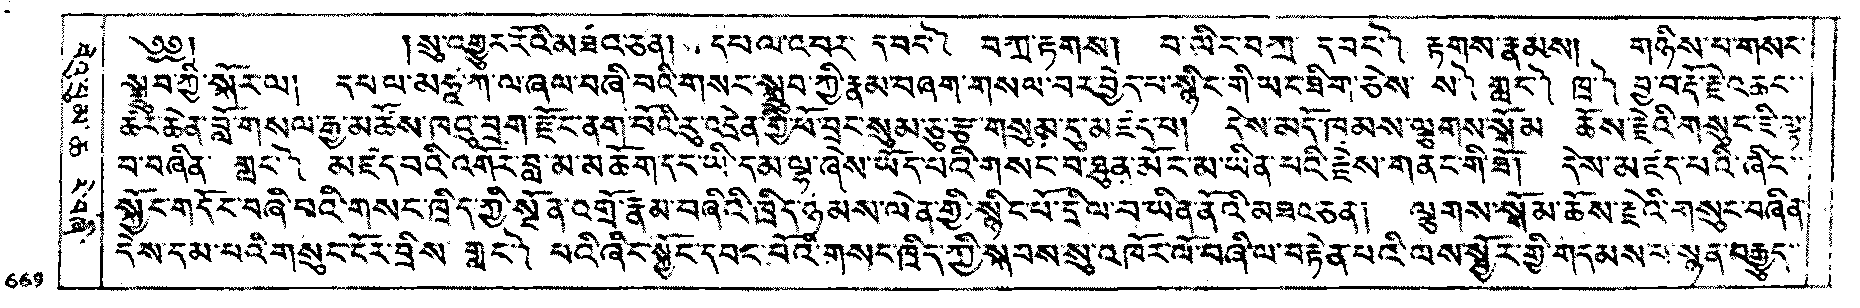༄༅། །སུ་འགྱུར་རོའི་མཐའ་ཅན། དཔལ་འབར་དབང྄་བཀྲ་རྟགས། བ་ལིང་བཀྲ་དབང྄་རྟགས་རྣམས། གཉིས་པ་གསང་
སྒྲུབ་ཀྱི་སྐོར་ལ། དཔལ་མཧཱ་ཀ་ལ་ཞལ་བཞི་པའི་གསང་སྒྲུབ་ཀྱི་རྣམ་བཞག་གསལ་བར་བྱེད་པ་སྙིང་གི་ཡང་ཐིག་ཅེས་ས྄་གླང྄་ཁྲ྄་བྱ་བ་རྡོ་རྗེ་འཆང་
ཚར་ཆེན་བློ་གསལ་རྒྱ་མཚོས་ཁའུ་བྲག་རྫོང་ནག་པོའི་རུ་འདྲེན་གྱི་ཕོ་བྲང་སུམ་ཅུ་རྩ་གསུམ་དུ་མཛད་པ། དེས་མདོ་ཁམས་ལྕགས་སྒོམ་ཆོས་རྗེའི་གསུང་ཇི་ལྟ་
བ་བཞིན་གླང྄་མཛད་པའི་འགོར་བླ་མ་མཆོག་དང་ཡི་དམ་ལྷ་ཞེས་ཡོད་པའི་གསང་བ་ཐུན་མོང་མ་ཡིན་པའི་རྗེས་གནང་གི་ཐོ། དེས་མཛད་པའི་ཞིང་
སྐྱོང་གདོང་བཞི་པའི་གསང་ཁྲིད་ཀྱི་སྔོན་འགྲོ་རྣམ་བཞིའི་ཁྲིད་ཉམས་ལེན་གྱི་སྙིང་པོ་དྲིལ་བ་ཡིན་ནོའི་མཐའ་ཅན། ལྕགས་སྒོམ་ཆོས་རྗེའི་གསུང་བཞིན་
དེས་དམ་པའི་གསུང་ངོར་བྲིས་གླང྄་པའི་ཞིང་སྐྱོང་དབང་པོའི་གསང་ཁྲིད་ཀྱི་སྐབས་སུ་འཁོར་ལོ་བཞི་ལ་བརྟེན་པའི་ལས་སྦྱོར་གྱི་གདམས་པ་སྙན་བརྒྱུད་